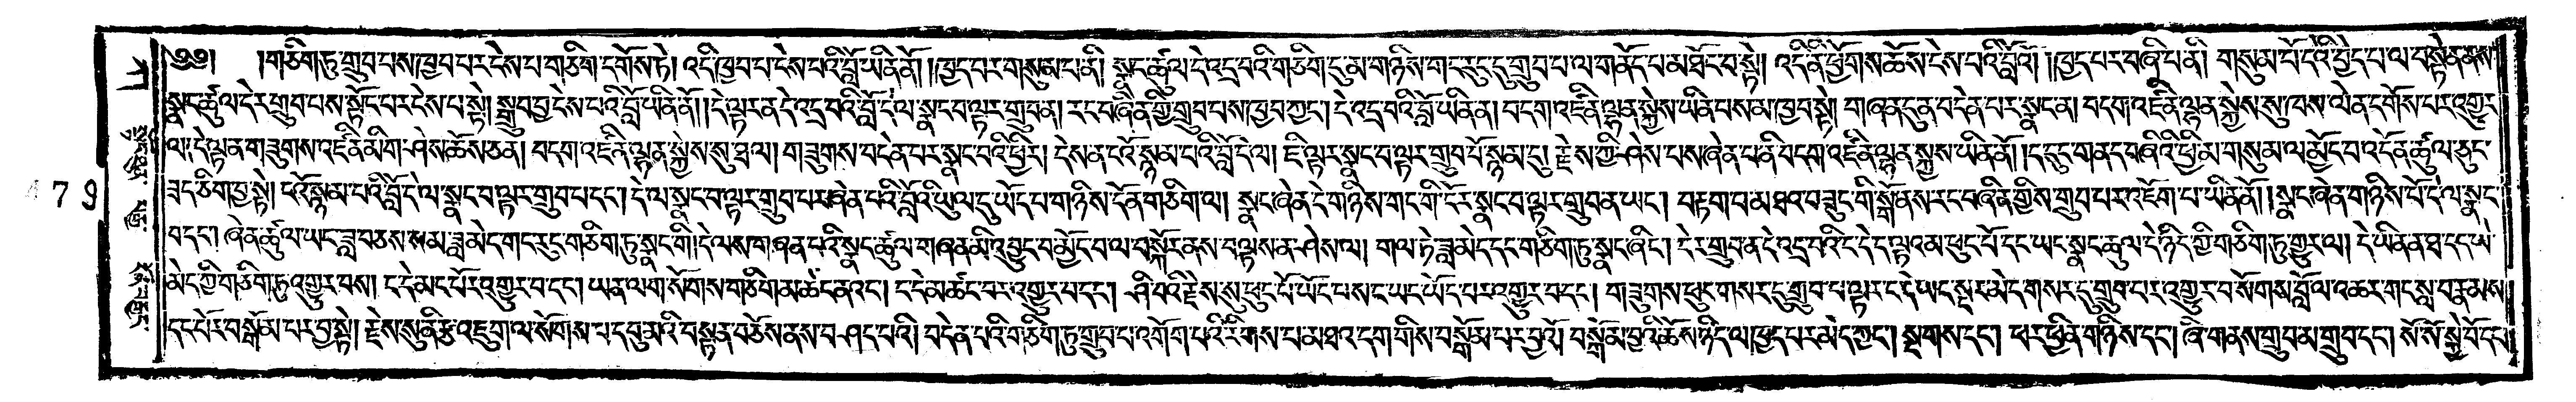༄༅། །གཅིག་ཏུ་གྲུབ་བས་ཁྱབ་པར་ངེས་པ་གཅིག་དགོས་ཏེ། འདི་ཁྱབ་པ་ངེས་པའི་བློ་ཡིན་ནོ། །ཁྱད་བར་གསུམ་པ་ནི། སྣང་ཚུལ་དེ་འདྲ་བའི་གཅིག་དུ་མ་གཉིས་གང་རུང་དུ་གྲུབ་པ་ལ་གནོད་པ་མཐོང་བ་སྟེ། འདི་ནི་ཕྱོགས་ཆོས་ངེས་པའི་བློའོ། །ཁྱད་པར་བཞི་པ་ནི། གསུམ་བོ་དེའི་བྱེད་པ་ལ་བསྟེན་ནས་
སྣང་ཚུལ་དེར་གྲུབ་པས་སྟོང་བར་ངེས་པ་སྟེ། སྒྲུབ་བྱ་ངེས་པའི་བློ་ཡིན་ནོ། །དེ་ལྟར་ན་དེ་འདྲ་བའི་བློ་དེ་ལ་སྣང་བ་ལྟར་གྲུབ་ན། རང་བཞིན་གྱི་གྲུབ་པས་ཁྱབ་ཀྱང་། དེ་འདྲ་བའི་བློ་ཡིན་ན། བདག་འཛིན་ལྷན་སྐྱེས་ཡིན་བསམ་ཁྱབ་སྟེ། གཞན་དུན་བདེན་པར་སྣང་བ་ན། བདག་འཛིན་ལྷན་སྐྱེས་སུ་ཁས་ལེན་དགོས་པར་འགྱུར་
ལ༑ དེ་ལྟ་ན་གཟུགས་འཛིན་མིག་ཤེས་ཆོས་ཅན། བདག་འཛིན་ལྷན་སྐྱེས་སུ་ཐལ། གཟུགས་བདེན་པར་སྣང་བའི་ཕྱིར། དེས་ན་ངའོ་སྙམ་པའི་བློ་དེ་ལ། ཇི་ལྟར་སྣང་བ་ལྟར་གྲུབ་པོ་སྙམ་དུ། རྗེས་ཀྱི་ཤེས་པས་ཞེན་པ་ནི་བདག་འཛིན་ལྷན་སྐྱེས་ཡིན་ནོ། །ད་དུང་གནད་བཞིའི་ཕྱི་མ་གསུམ་ལ་མྱོང་བ་འདོན་ཚུལ་ཅུང་
ཟད་ཅིག་བྱ་སྟེ། ངའོ་སྙམ་པའི་བློ་དེ་ལ་སྣང་བ་ལྟར་གྲུབ་པ་དང་། དེ་ལ་སྣང་བ་ལྟར་གྲུབ་པར་ཞེན་པའི་བློའི་ཡུལ་དུ་ཡོད་པ་གཉིས་དོན་གཅིག་ལ། སྣང་ཞེན་དེ་གཉིས་གང་གི་ངོར་སྣང་བ་ལྟར་གྲུབ་ན་ཡང་། བརྟག་བ་མཐའ་བཟུང་གི་སྒོ་ནས་རང་བཞིན་གྱིས་གྲུབ་པར་འཇོག་པ་ཡིན་ནོ། །སྣང་ཞེན་གཉིས་པོ་དེ་ལ་སྣང་
བ་དང་། ཞེན་ཚུལ་ཡང་ཟླ་བཅས་སམ་ཟླ་མེད་གང་རུང་གཅིག་ཏུ་སྣང་གི། དེ་ལས་གཞན་པའི་སྣང་ཚུལ་གཞན་མི་འབྱུང་བ་མྱོང་བ་ལ་བསྐོར་ནས་བལྟས་ན་ཤེས་ལ། གལ་ཏེ་ཟླ་མེད་དང་གཅིག་ཏུ་སྣང་ཞིང་། དེར་གྲུབ་ན་དེ་འདྲ་བའི་ད་དེ་དང་ལྟའམ་ཕུང་པོ་དང་ཡང་སྣང་ཚུལ་དེ་ཉིད་ཀྱི་གཅིག་ཏུ་གྱུར་ལ། དེ་ཡིན་ན་ཐ་དང་ཡེ་
མེད་ཀྱི་གཅིག་ཏུ་འགྱུར་བས། ང་དེ་མང་པོར་འགྱུར་བ་དང་། ཡན་ལག་སོགས་གཅིག་མཚང་ནའང་། ང་དེ་མཚང་བར་འགྱུར་བ་དང་། ཤི་བའི་རྗེས་སུ་ཕུང་པོ་ཡོད་པས་ང་ཡང་ཡོད་པར་འགྱུར་བ་དང་། གཟུགས་ཕུང་གསར་དུ་གྲུབ་པ་ལྟར་ང་དེ་ཡང་སྔར་མེད་གསར་དུ་གྲུབ་པར་འགྱུར་བ་སོགས་བློ་ལ་འཆར་གང་སླ་བ་རྣམས་
དང་པོར་བསྒོམ་པར་བྱ་སྟེ། རྗེས་སུ་ནི་རྩ་འཇུག་ལ་སོགས་པ་དབུ་མའི་བསྟན་བཅོས་ནས་བཤད་པའི། བདེན་པའི་གཅིག་ཏུ་གྲུབ་པའི་འགོག་པའི་རིགས་པ་མཐའ་དག་གིས་བསྒོམ་པར་བྱའོ། བསྒོམ་བྱའི་ཆོས་ཉིད་ལ་ཁྱད་པར་མེད་ཀྱང་། སྔགས་དང་། ཕར་ཕྱིན་གཉིས་དང་། ཞི་གནས་གྲུབ་མ་གྲུབ་དང་། སོ་སོ་སྐྱེ་བོ་དང་